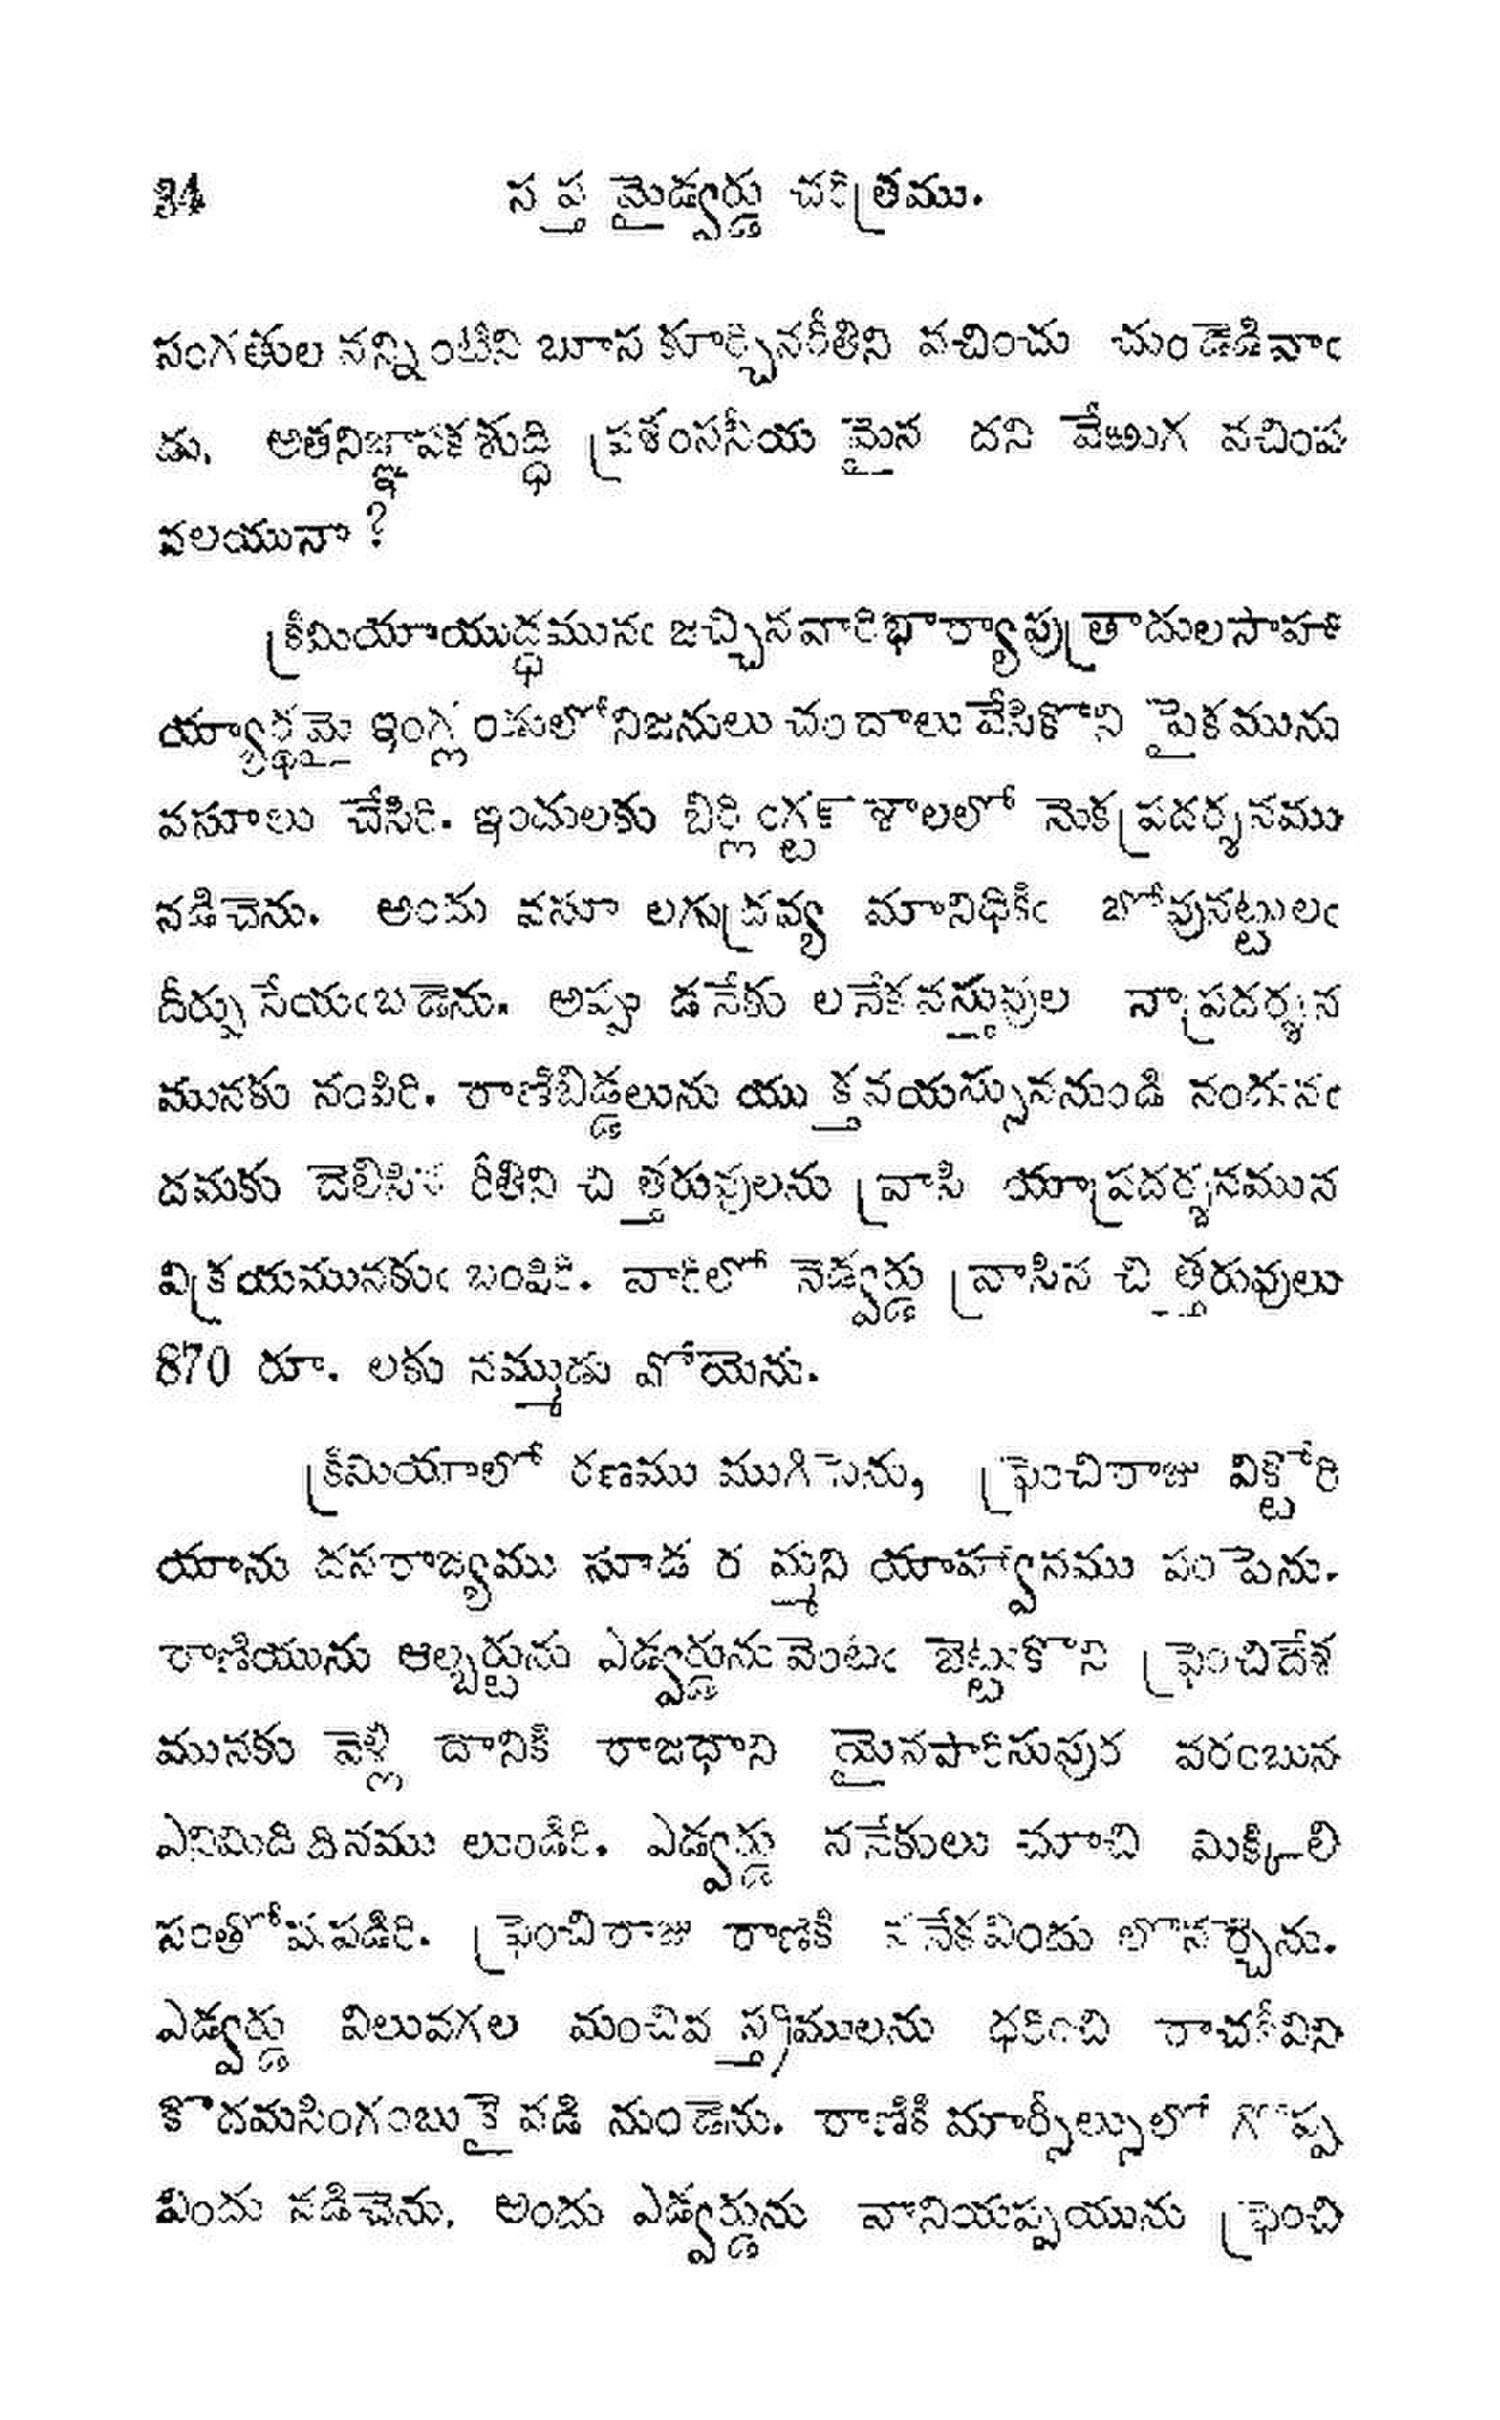సంగతుల నన్నింటిని బూస కూర్చినరీతిని వచించు చుండెడివాఁడు, అతని జ్ఞాపక శుద్ధి ప్రశంసనీయ 'మైన దని వేఱుగ వచింప వలయునా?

క్రీమియా యుద్ధమునఁ జచ్చినవారి భార్యాపుత్రాదులసాహాయ్యార్దమై ఇంగ్లండులో నిజనులు చందాలు వేసికొని పైకమును వసూలు చేసిరి. ఇందులకు బీర్లీంగటన్ శాలలో ఒక ప్రదర్శనము
నడిచెను. అందు వసూ లగు ద్రవ్య మానిధికి బోవునట్టులు దీర్చు సేయుఁబ డెను. అప్పు డ నేకు లనేక వస్తువుల నా ప్రదర్శనమునకు నంపిరి. "రాణీబిడ్డలును యుక్తనయస్సుననుండి నందునఁ
దనుకు బెలిసినరీతిని చిత్తరువులను వ్రాసి యూ ప్రదర్శనమున ఏక్రయమునకుఁ బంపి. వారిలో నెడ్వర్డు వ్రాసిన చిత్తరువులు 870 రూ. లకు నమ్ముడు వోయెను.

క్రిమియాలో రణము ముగిసెను, ఫ్రెంచీ రాజు విక్టోరియాను దసరాజ్యము సూడ రమ్మని యాహ్వానము పంపెను. రాణీయును ఆల్బర్టును ఎడ్వర్డును వెంటఁ బెట్టు కొని ఫ్రెంచిదేశ మునకు వెళ్లి దానికి రాజధాని యైనపారిసుపుర వరంబున ఎనిమిది దినము లుండి. ఎడ్వర్డు ననేకులు చూచి మిక్కిలి
సంతోష పడిరి. ఫ్రెంచి రాజు రాణికి అనేక విందు లొనర్చెను. ఎడ్వర్డు విలువగల మంచివ స్త్రములను ధరించి రాచ ఠీవిని కొదమసింగంబు కై వడి నుండెను. రాణికి మార్సీల్సులో గొప్ప
ఏందు నడిచెను. అందు ఎడ్వర్డును వానియప్పయును ఫ్రెంచి